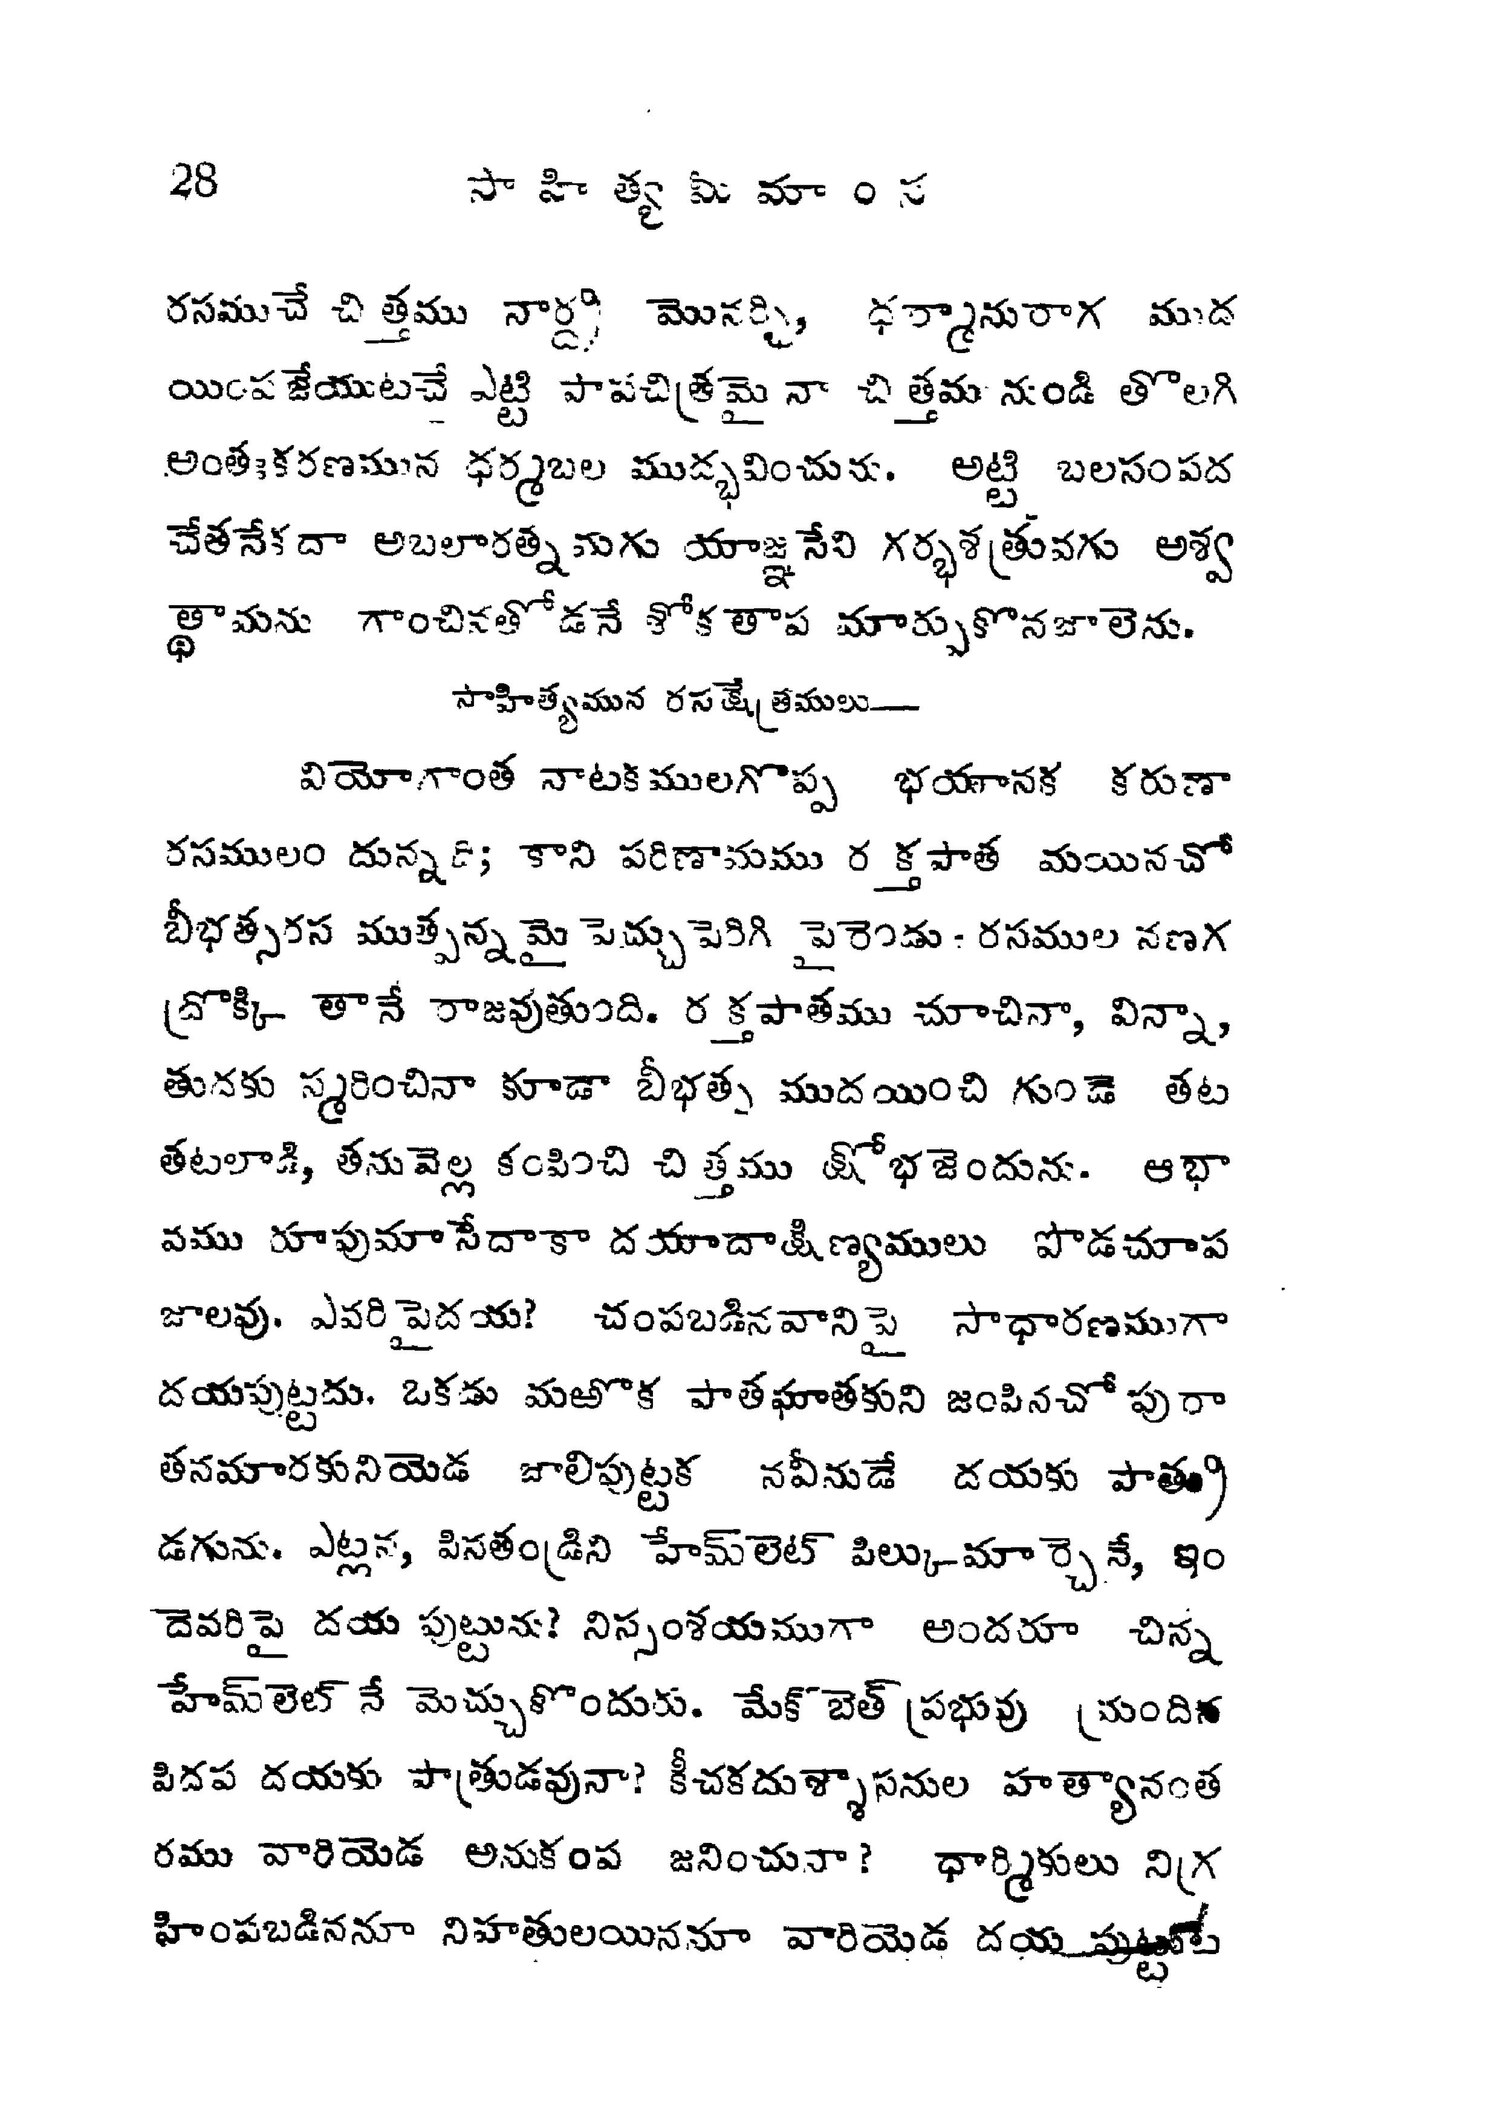రసముచే చిత్తము నార్ద్ర మొనర్చి, ధర్మానురాగ ముదయింపజేయుటచే ఎట్టి పాపచిత్రమైనా చిత్తమునుండు తొలగి అంత:కరణమున ధర్మబల ముద్భవించును. అట్టి బలసంపద చేతనేకదా అబలారత్నమగు యాజ్ఞసేని గర్భశత్రువగు అశ్వత్థామను గాంచినతోడనే శోకతాప మార్పుకొనజాలెను.

వియోగాంత నాటకములగొప్ప భయానక కరుణా రసములం దున్నది; కాని పరిణామము రక్తపాత మయినచో బీభత్సరస ముత్పన్నమై పెచ్చుపెరిగి పైరెండు - రసముల నణగ ద్రొక్కి తానే రాజవుతుంది. రక్తపాతము చూచినా, విన్నా, తుదకు స్మరించినా కూడా బీభత్స ముదయించి గుండె తటతటలాడి, తనువెల్ల కంపించి చిత్తము క్షోభజెందును. ఆభావము రూపుమాసేదాకా దయాదాక్షిణ్యములు పొడచూప జాలవు. ఎవరిపైదయ? చంపబడినవానిపై సాధారణముగా దయపుట్టదు. ఒకడు మఱొక పాతఘాతకుని జంపినచో పురాతనమారకునియెడ జాలిపుట్టక నవీనుడే దయకు పాత్రుడగును. ఎట్లన, పినతండ్రిని హేమ్‌లెట్ పిల్కుమార్చెనే, ఇందెవరిపై దయ పుట్టును? నిస్సంశయముగా అందరూ చిన్న హేమ్‌లెట్ నే మెచ్చుకొందురు. మేక్‌బెత్ ప్రభువు మ్రందిన పిదప దయకు పాత్రుడవునా? కీచకదుశ్శాసనుల హత్యానంతరము వారియెడ అనుకంప జనించునా? ధార్మికులు నిగ్రహింపబడిననూ నిహతులయిననూ వారియెడ దయ పుట్టుట